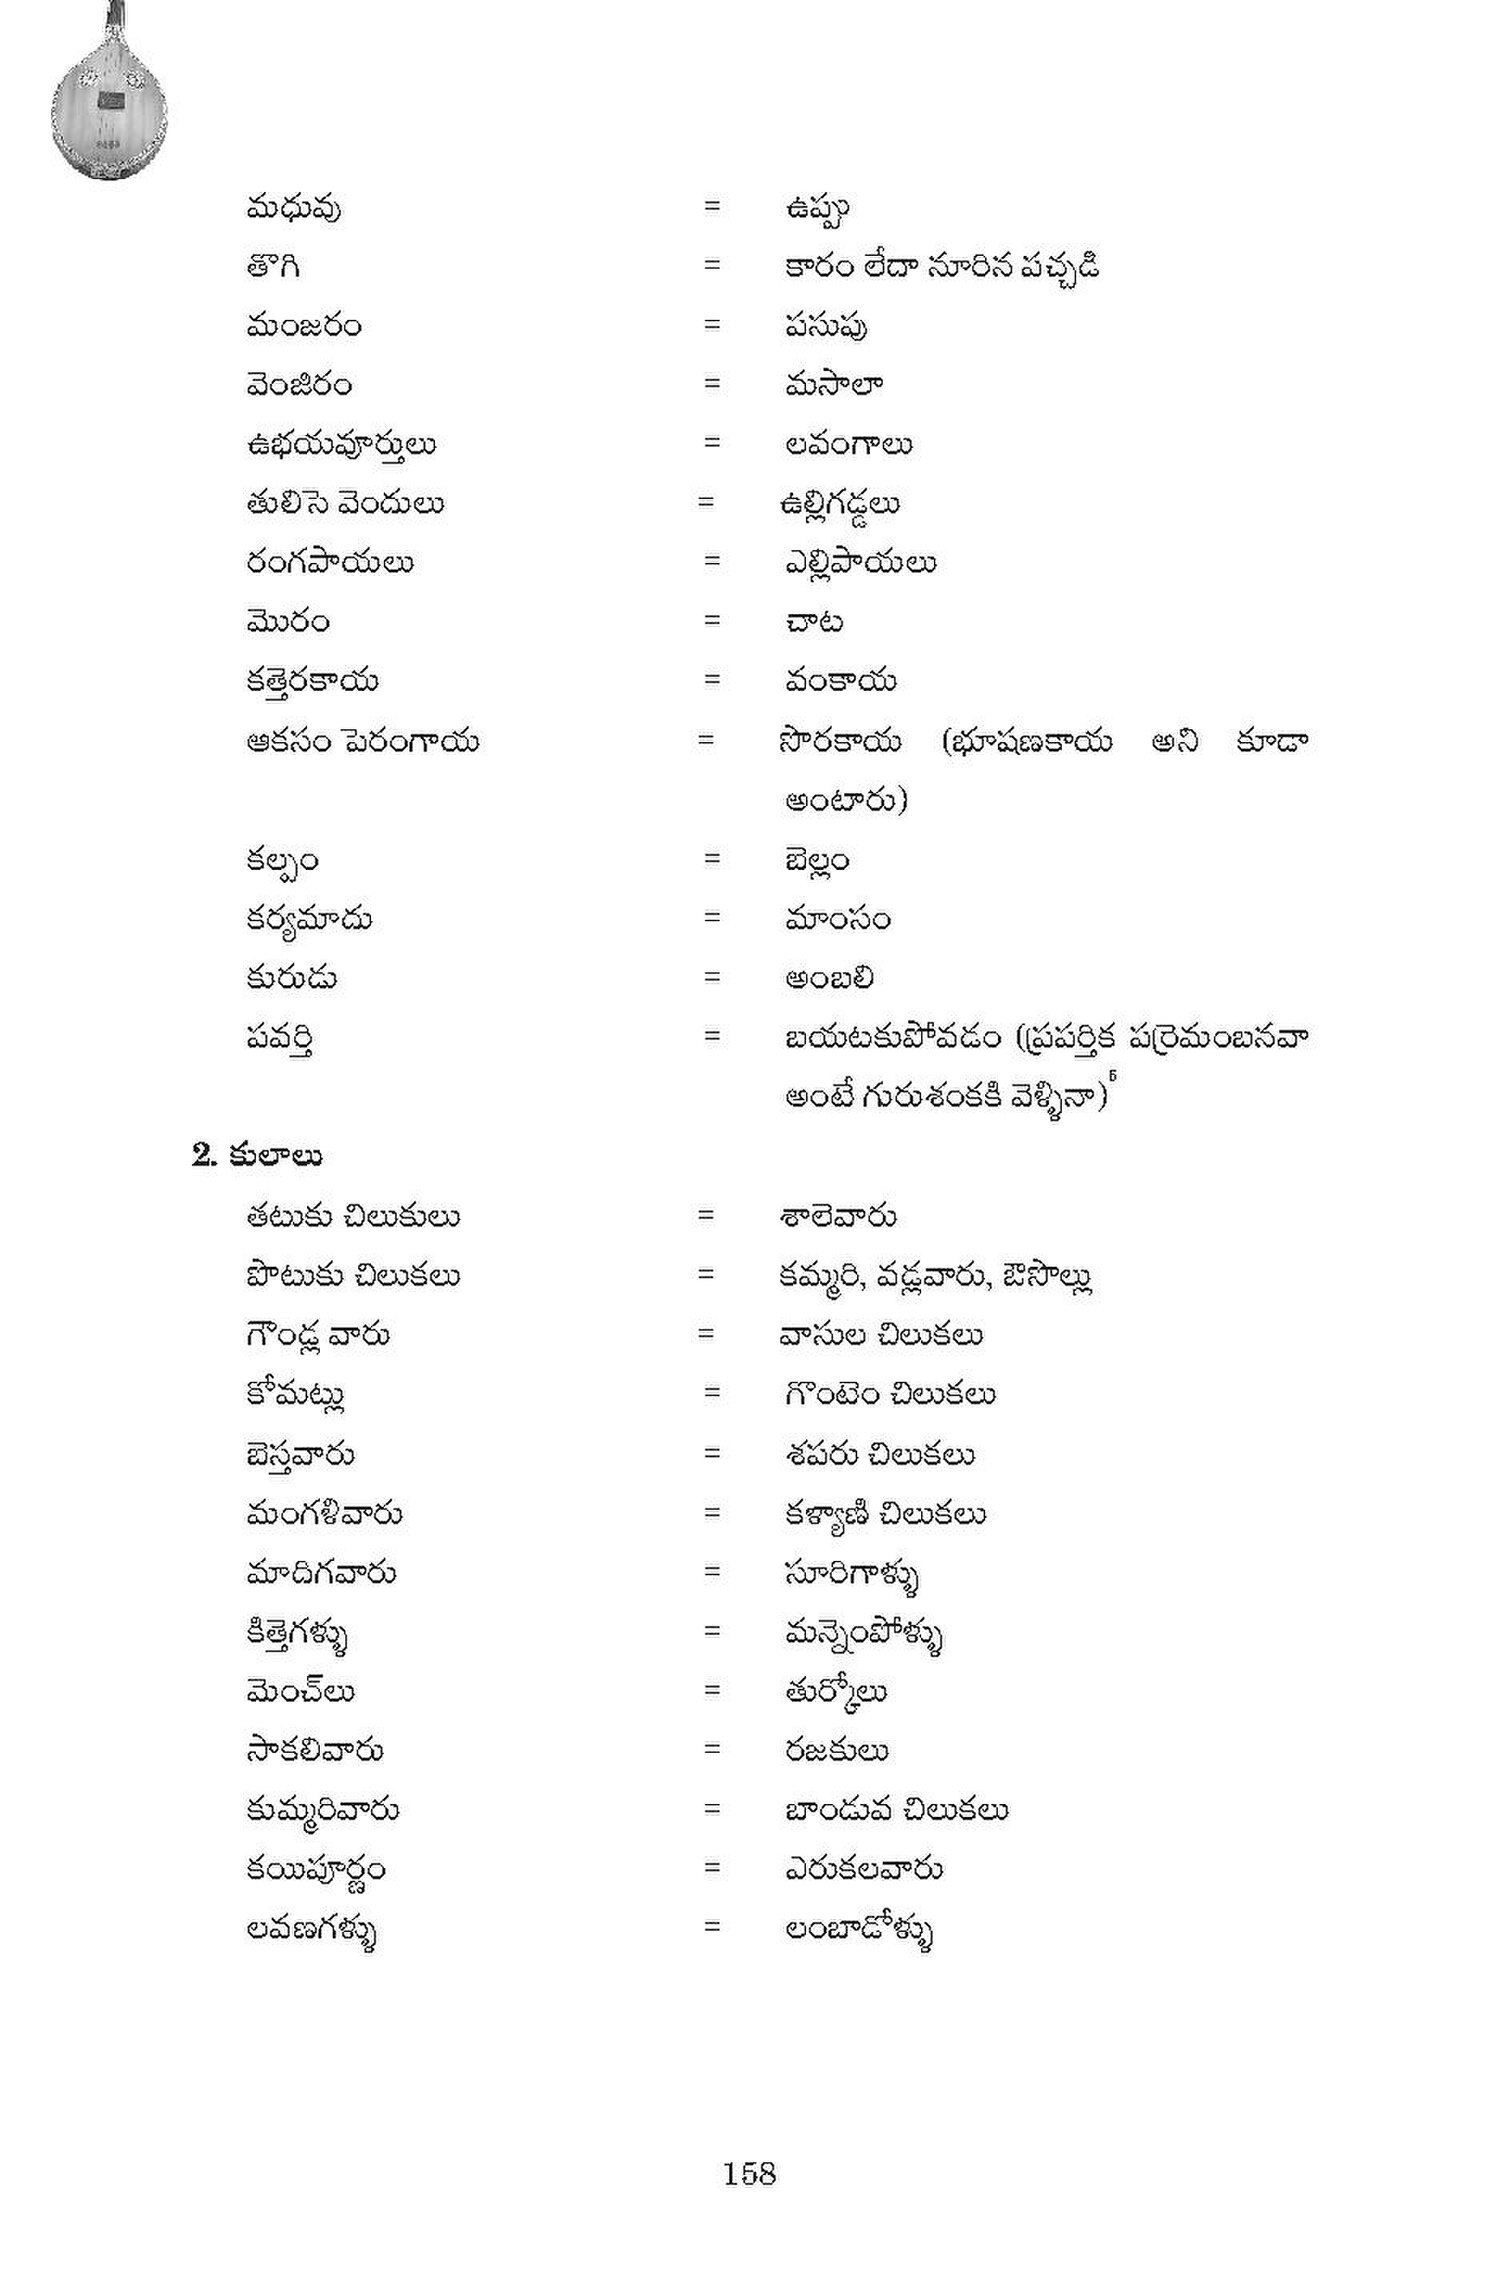+ మధువు ఉప్పు తాగి కారం లేదా నూరిన పచ్చడి మంజరం పసుపు గడి పాఠ్యం మసాలా ఉభయవూర్తులు లవంగాలు తులిసె వెందులు ఉల్లిగడ్డలు రంగపాయలు ఎల్లిపాయలు మొరం చాట కత్తెరకాయ వంకాయ ఆకసం పెరంగాయ సొరకాయ (భూషణకాయ అని కూడా అంటారు) కల్పం బెల్లం కర్యమాదు మాంసం కురుడు అంబలి పవర్తి బయటకుపోవడం (ప్రపర్తిక పర్రెమంబనవా అంటే గురుశంకకి వెళ్ళినా)6

2. కులాలు 

+ తటుకు చిలుకులు శాలెవారు పొటుకు చిలుకలు కమ్మరి, వడ్లవారు, ఔసొల్లు గౌండ్ల వారు వాసుల చిలుకలు కోమట్లు గొంటెం చిలుకలు బెస్తవారు శపరు చిలుకలు మంగళివారు కళ్యాణి చిలుకలు మాదిగవారు సూరిగాళ్ళు కిత్తెగళ్ళు మన్నెంపోళ్ళు మెంచ్ లు తుర్కోలు సాకలివారు రజకులు కుమ్మరివారు బాండువ చిలుకలు కయిపూర్ణం ఎరుకలవారు లవణగళ్ళు లంబాడోళ్ళు